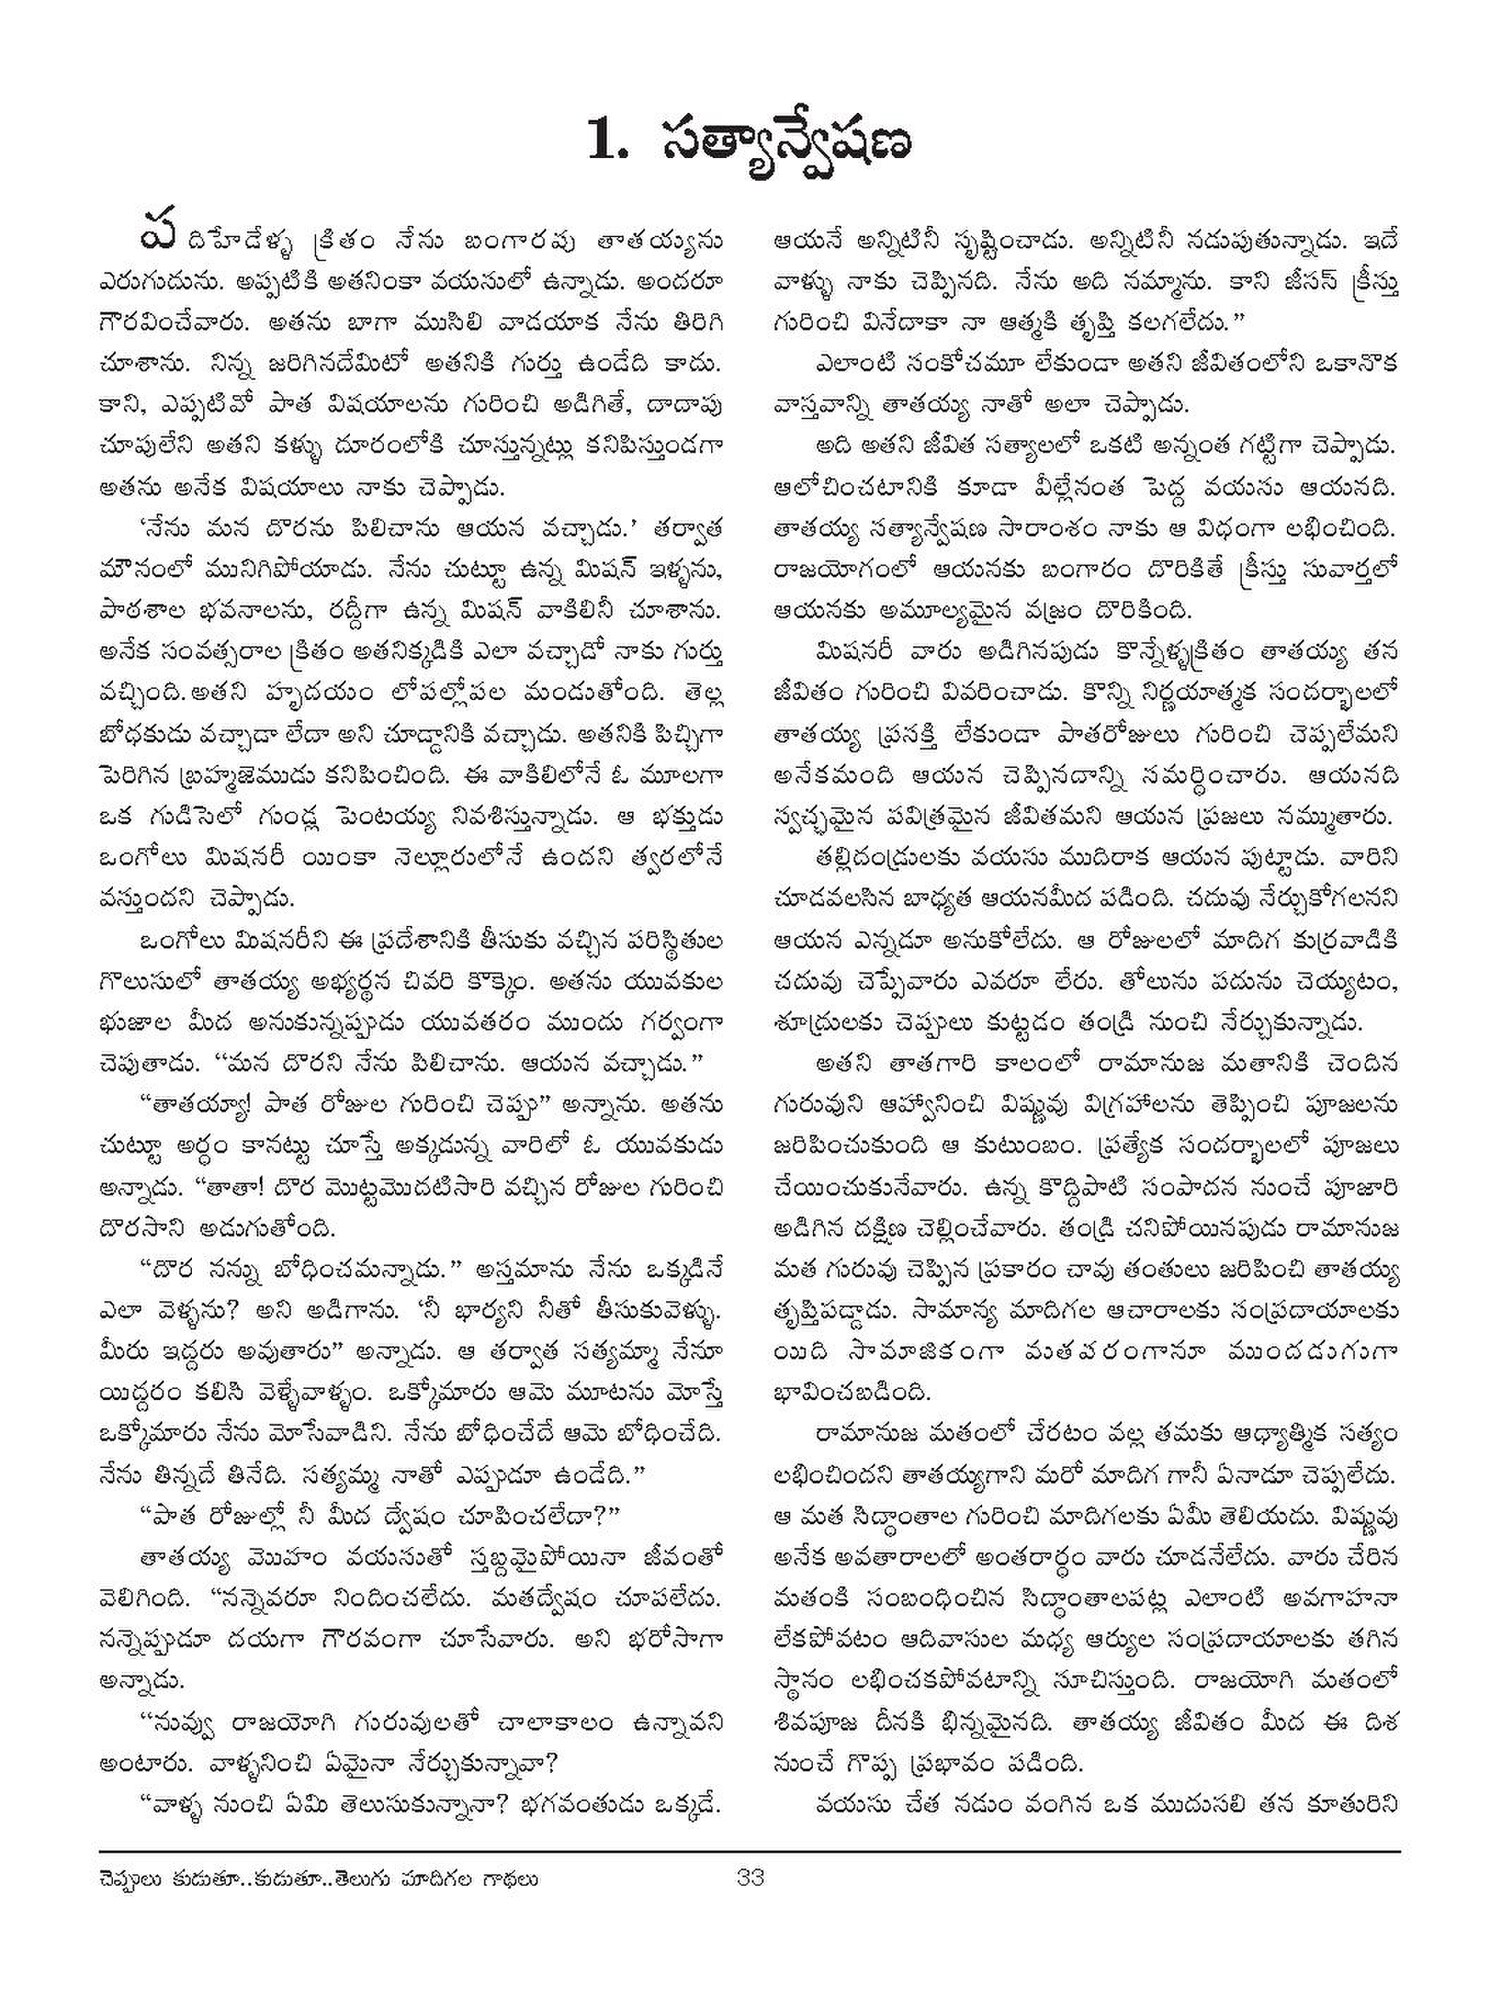1. సత్యాన్వేషణ

దిహేడేళ్ళ క్రితం నేను బంగారపు తాతయ్యను
ఎరుగుదును. అప్పటికి అతనింకా వయసులో ఉన్నాడు. అందరూ
గౌరవించేవారు. అతను బాగా ముసిలి వాడయాక నేను తిరిగి
చూశాను. నిన్న జరిగినదేమిటో అతనికి గుర్తు ఉండేది కాదు.
కానీ, ఎప్పటివో పాత విషయాలను గురించి అడిగితే, దాదాపు
చూపులేని అతని కళ్ళు దూరంలోకి చూస్తున్నట్లు కనిపిస్తుండగా
అతను అనేక విషయాలు నాకు చెప్పాడు.

'నేను మన దొరను పిలిచాను ఆయన వచ్చాడు.' తర్వాత
మౌనంలో మునిగిపోయాడు. నేను చుట్టూ ఉన్న మిషన్ ఇళ్ళను,
పాఠశాల భవనాలను, రద్దీగా ఉన్న మిషన్ వాకిలిని చూశాను.
అనేక సంవత్సరాల క్రితం అతనిక్కడికి ఎలా వచ్చాడో నాకు గుర్తు
వచ్చింది. అతని హృదయం లోపల్లోపల మండుతోంది. తెల్ల
బోధకుడు వచ్చాడా లేదా అని చూడ్డానికి వచ్చాడు. అతనికి పిచ్చిగా
పెరిగిన బ్రహ్మజెముడు కనిపించింది. ఈ వాకిలిలోనే ఓ మూలగా
ఒక గుడిసెలో గుండ్ల పెంటయ్య నివశిస్తున్నాడు. ఆ భక్తుడు
ఒంగోలు మిషనరీ యింకా నెల్లూరులోనే ఉందని త్వరలోనే
వస్తుందని చెప్పాడు.

ఒంగోలు మిషనరీని ఈ ప్రదేశానికి తీసుకు వచ్చిన పరిస్థితుల
గొలుసులో తాతయ్య అభ్యర్థన చివరి కొక్కెం. అతను యువకుల
భుజాల మీద అనుకున్నప్పుడు యువతరం ముందు గర్వంగా
చెపుతాడు. "మన దొరని నేను పిలిచాను. ఆయన వచ్చాడు.”

"తాతయ్యా! పాత రోజుల గురించి చెప్పు” అన్నాను. అతను
చుట్టూ అర్ధం కానట్టు చూస్తే అక్కడున్న వారిలో ఓ యువకుడు
అన్నాడు. "తాతా! దొర మొట్టమొదటిసారి వచ్చిన రోజుల గురించి
దొరసాని అడుగుతోంది.

"దొర నన్ను బోధించమన్నాడు." అస్తమాను నేను ఒక్కడినే
ఎలా వెళ్ళను? అని అడిగాను. 'నీ భార్యని నీతో తీసుకువెళ్ళు.
మీరు ఇద్దరు అవుతారు” అన్నాడు. ఆ తర్వాత సత్యమ్మా నేనూ
యిద్దరం కలిసి వెళ్ళేవాళ్ళం. ఒక్కోమారు ఆమె మూటను మోస్తే
ఒక్కోమారు నేను మోసేవాడిని. నేను బోధించేదే ఆమె బోధించేది.
నేను తిన్నదే తినేది. సత్యమ్మ నాతో ఎప్పుడూ ఉండేది.”
"పాత రోజుల్లో నీ మీద ద్వేషం చూపించలేదా?”

తాతయ్య మొహం వయసుతో స్తబ్దమైపోయినా జీవంతో
వెలిగింది. "నన్నెవరూ నిందించలేదు. మతద్వేషం చూపలేదు.
నన్నెప్పుడూ దయగా గౌరవంగా చూసేవారు. అని భరోసాగా
అన్నాడు.

"నువ్వు రాజయోగి గురువులతో చాలాకాలం ఉన్నావని
అంటారు. వాళ్ళనించి ఏమైనా నేర్చుకున్నావా?

“వాళ్ళ నుంచి ఏమి తెలుసుకున్నానా? భగవంతుడు ఒక్కడే.
ఆయనే అన్నిటినీ సృష్టించాడు. అన్నిటినీ నడుపుతున్నాడు. ఇదే
వాళ్ళు నాకు చెప్పినది. నేను అది నమ్మాను. కాని జీసస్ క్రీస్తు
గురించి వినేదాకా నా ఆత్మకి తృప్తి కలగలేదు.”

ఎలాంటి సంకోచమూ లేకుండా అతని జీవితంలోని ఒకానొక
వాస్తవాన్ని తాతయ్య నాతో అలా చెప్పాడు.

అది అతని జీవిత సత్యాలలో ఒకటి అన్నంత గట్టిగా చెప్పాడు.
ఆలోచించటానికి కూడా వీల్లేనంత పెద్ద వయసు ఆయనది.
తాతయ్య సత్యాన్వేషణ సారాంశం నాకు ఆ విధంగా లభించింది.
రాజయోగంలో ఆయనకు బంగారం దొరికితే క్రీస్తు సువార్తలో
ఆయనకు అమూల్యమైన వజ్రం దొరికింది.

మిషనరీ వారు అడిగినపుడు కొన్నేళ్ళక్రితం తాతయ్య తన
జీవితం గురించి వివరించాడు. కొన్ని నిర్ణయాత్మక సందర్భాలలో
తాతయ్య ప్రసక్తి లేకుండా పాతరోజులు గురించి చెప్పలేమని
అనేకమంది ఆయన చెప్పినదాన్ని సమర్ధించారు. ఆయనది
స్వచ్ఛమైన పవిత్రమైన జీవితమని ఆయన ప్రజలు నమ్ముతారు.

తల్లిదండ్రులకు వయసు ముదిరాక ఆయన పుట్టాడు. వారిని
చూడవలసిన బాధ్యత ఆయనమీద పడింది. చదువు నేర్చుకోగలనని
ఆయన ఎన్నడూ అనుకోలేదు. ఆ రోజులలో మాదిగ కుర్రవాడికి
చదువు చెప్పేవారు ఎవరూ లేరు. తోలును పదును చెయ్యటం,
శూద్రులకు చెప్పులు కుట్టడం తండ్రి నుంచి నేర్చుకున్నాడు.

అతని తాతగారి కాలంలో రామానుజ మతానికి చెందిన
గురువుని ఆహ్వానించి విష్ణువు విగ్రహాలను తెప్పించి పూజలను
జరిపించుకుంది ఆ కుటుంబం. ప్రత్యేక సందర్భాలలో పూజలు
చేయించుకునేవారు. ఉన్న కొద్దిపాటి సంపాదన నుంచే పూజారి
అడిగిన దక్షిణ చెల్లించేవారు. తండ్రి చనిపోయినపుడు రామానుజ
మత గురువు చెప్పిన ప్రకారం చావు తంతులు జరిపించి తాతయ్య
తృప్తిపడ్డాడు. సామాన్య మాదిగల ఆచారాలకు సంప్రదాయాలకు
యిది సామాజికంగా మతపరంగానూ ముందడుగుగా
భావించబడింది.

రామానుజ మతంలో చేరటం వల్ల తమకు ఆధ్యాత్మిక సత్యం
లభించిందని తాతయ్యగాని మరో మాదిగ గానీ ఏనాడూ చెప్పలేదు.
ఆ మ సిద్ధాంతాల గురించి మాదిగలకు ఏమీ తెలియదు. విష్ణువు
అనేక అవతారాలలో అంతరార్ధం వారు చూడనేలేదు. వారు చేరిన
మతంకి సంబంధించిన సిద్ధాంతాలపట్ల ఎలాంటి అవగాహనా
లేకపోవటం ఆదివాసుల మధ్య ఆర్యుల సంప్రదాయాలకు తగిన
స్థానం లభించకపోవటాన్ని సూచిస్తుంది. రాజయోగి మతంలో
శివపూజ దీనికి భిన్నమైనది. తాతయ్య జీవితం మీద ఈ దిశ
నుంచే గొప్ప ప్రభావం పడింది.

వయసు చేత నడుం వంగిన ఒక ముదుసలి తన కూతురిని